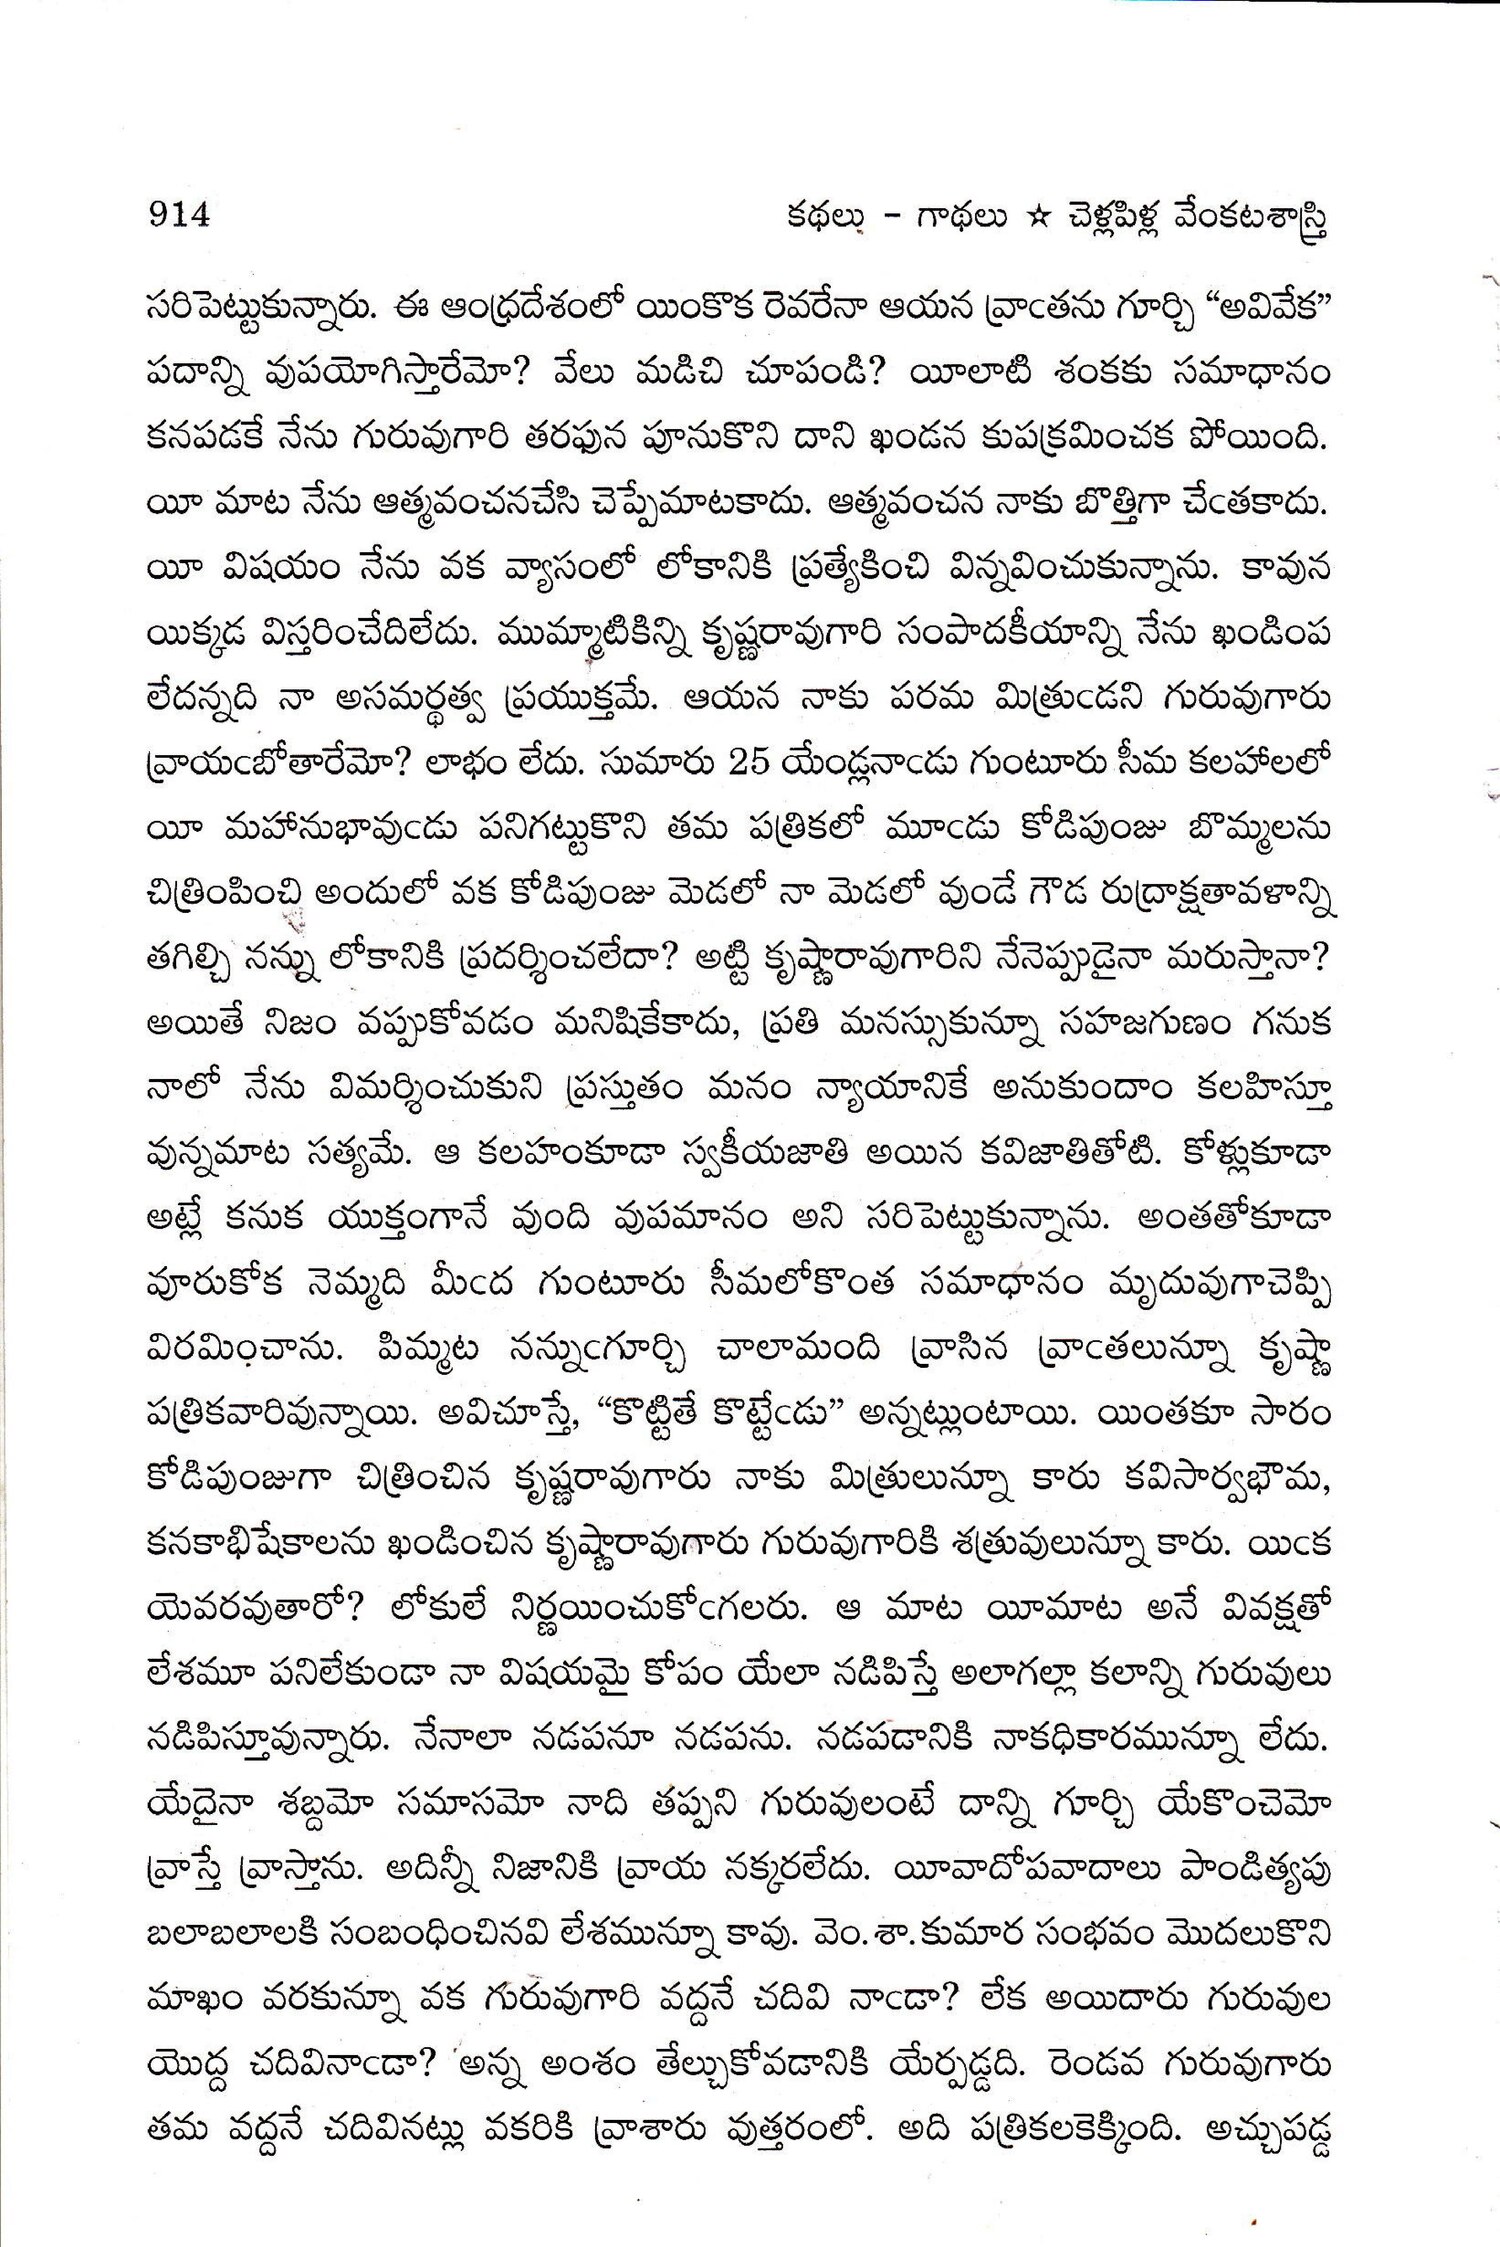సరిపెట్టుకున్నారు. ఈ ఆంధ్రదేశంలో యింకొక రెవరేనా ఆయన వ్రాఁతను గూర్చి "అవివేక" పదాన్ని వుపయోగిస్తారేమో? వేలు మడిచి చూపండి? యీలాటి శంకకు సమాధానం కనపడకే నేను గురువుగారి తరఫున పూనుకొని దాని ఖండన కుపక్రమించక పోయింది. యీ మాట నేను ఆత్మవంచనచేసి చెప్పేమాటకాదు. ఆత్మవంచన నాకు బొత్తిగా చేఁతకాదు. యీ విషయం నేను వక వ్యాసంలో లోకానికి ప్రత్యేకించి విన్నవించుకున్నాను. కావున యిక్కడ విస్తరించేదిలేదు. ముమ్మాటికిన్ని కృష్ణరావుగారి సంపాదకీయాన్ని నేను ఖండింప లేదన్నది నా అసమర్థత్వ ప్రయుక్తమే. ఆయన నాకు పరమ మిత్రుఁడని గురువుగారు వ్రాయఁబోతారేమో? లాభం లేదు. సుమారు 25 యేండ్లనాఁడు గుంటూరు సీమ కలహాలలో యీ మహానుభావుఁడు పనిగట్టుకొని తమ పత్రికలో మూఁడు కోడిపుంజు బొమ్మలను చిత్రింపించి అందులో వక కోడిపుంజు మెడలో నా మెడలో వుండే గౌడ రుద్రాక్షతావళాన్ని తగిల్చి నన్ను లోకానికి ప్రదర్శించలేదా? అట్టి కృష్ణారావుగారిని నేనెప్పుడైనా మరుస్తానా? అయితే నిజం వప్పుకోవడం మనిషికేకాదు, ప్రతి మనస్సుకున్నూ సహజగుణం గనుక నాలో నేను విమర్శించుకుని ప్రస్తుతం మనం న్యాయానికే అనుకుందాం కలహిస్తూ వున్నమాట సత్యమే. ఆ కలహంకూడా స్వకీయజాతి అయిన కవిజాతితోటి. కోళ్లుకూడా అట్లే కనుక యుక్తంగానే వుంది వుపమానం అని సరిపెట్టుకున్నాను. అంతతోకూడా వూరుకోక నెమ్మది మీఁద గుంటూరు సీమలోకొంత సమాధానం మృదువుగాచెప్పి విరమించాను. పిమ్మట నన్నుఁగూర్చి చాలామంది వ్రాసిన వ్రాఁతలున్నూ కృష్ణా పత్రికవారివున్నాయి. అవిచూస్తే, “కొట్టితే కొట్టేఁడు” అన్నట్లుంటాయి. యింతకూ సారం కోడిపుంజుగా చిత్రించిన కృష్ణరావుగారు నాకు మిత్రులున్నూ కారు కవిసార్వభౌమ, కనకాభిషేకాలను ఖండించిన కృష్ణారావుగారు గురువుగారికి శత్రువులున్నూ కారు. యిఁక యెవరవుతారో? లోకులే నిర్ణయించుకోఁగలరు. ఆ మాట యీమాట అనే వివక్షతో లేశమూ పనిలేకుండా నా విషయమై కోపం యేలా నడిపిస్తే అలాగల్లా కలాన్ని గురువులు నడిపిస్తూవున్నారు. నేనాలా నడపనూ నడపను. నడపడానికి నాకధికారమున్నూ లేదు. యేదైనా శబ్దమో సమాసమో నాది తప్పని గురువులంటే దాన్ని గూర్చి యేకొంచెమో వ్రాస్తే వ్రాస్తాను. అదిన్నీ నిజానికి వ్రాయ నక్కరలేదు. యీవాదోపవాదాలు పాండిత్యపు బలాబలాలకి సంబంధించినవి లేశమున్నూ కావు. వెం. శా.కుమార సంభవం మొదలుకొని మాఖం వరకున్నూ వక గురువుగారి వద్దనే చదివి నాఁడా? లేక అయిదారు గురువుల యొద్ద చదివినాఁడా? అన్న అంశం తేల్చుకోవడానికి యేర్పడ్డది. రెండవ గురువుగారు తమ వద్దనే చదివినట్లు వకరికి వ్రాశారు వుత్తరంలో, అది పత్రికలకెక్కింది. అచ్చుపడ్డ